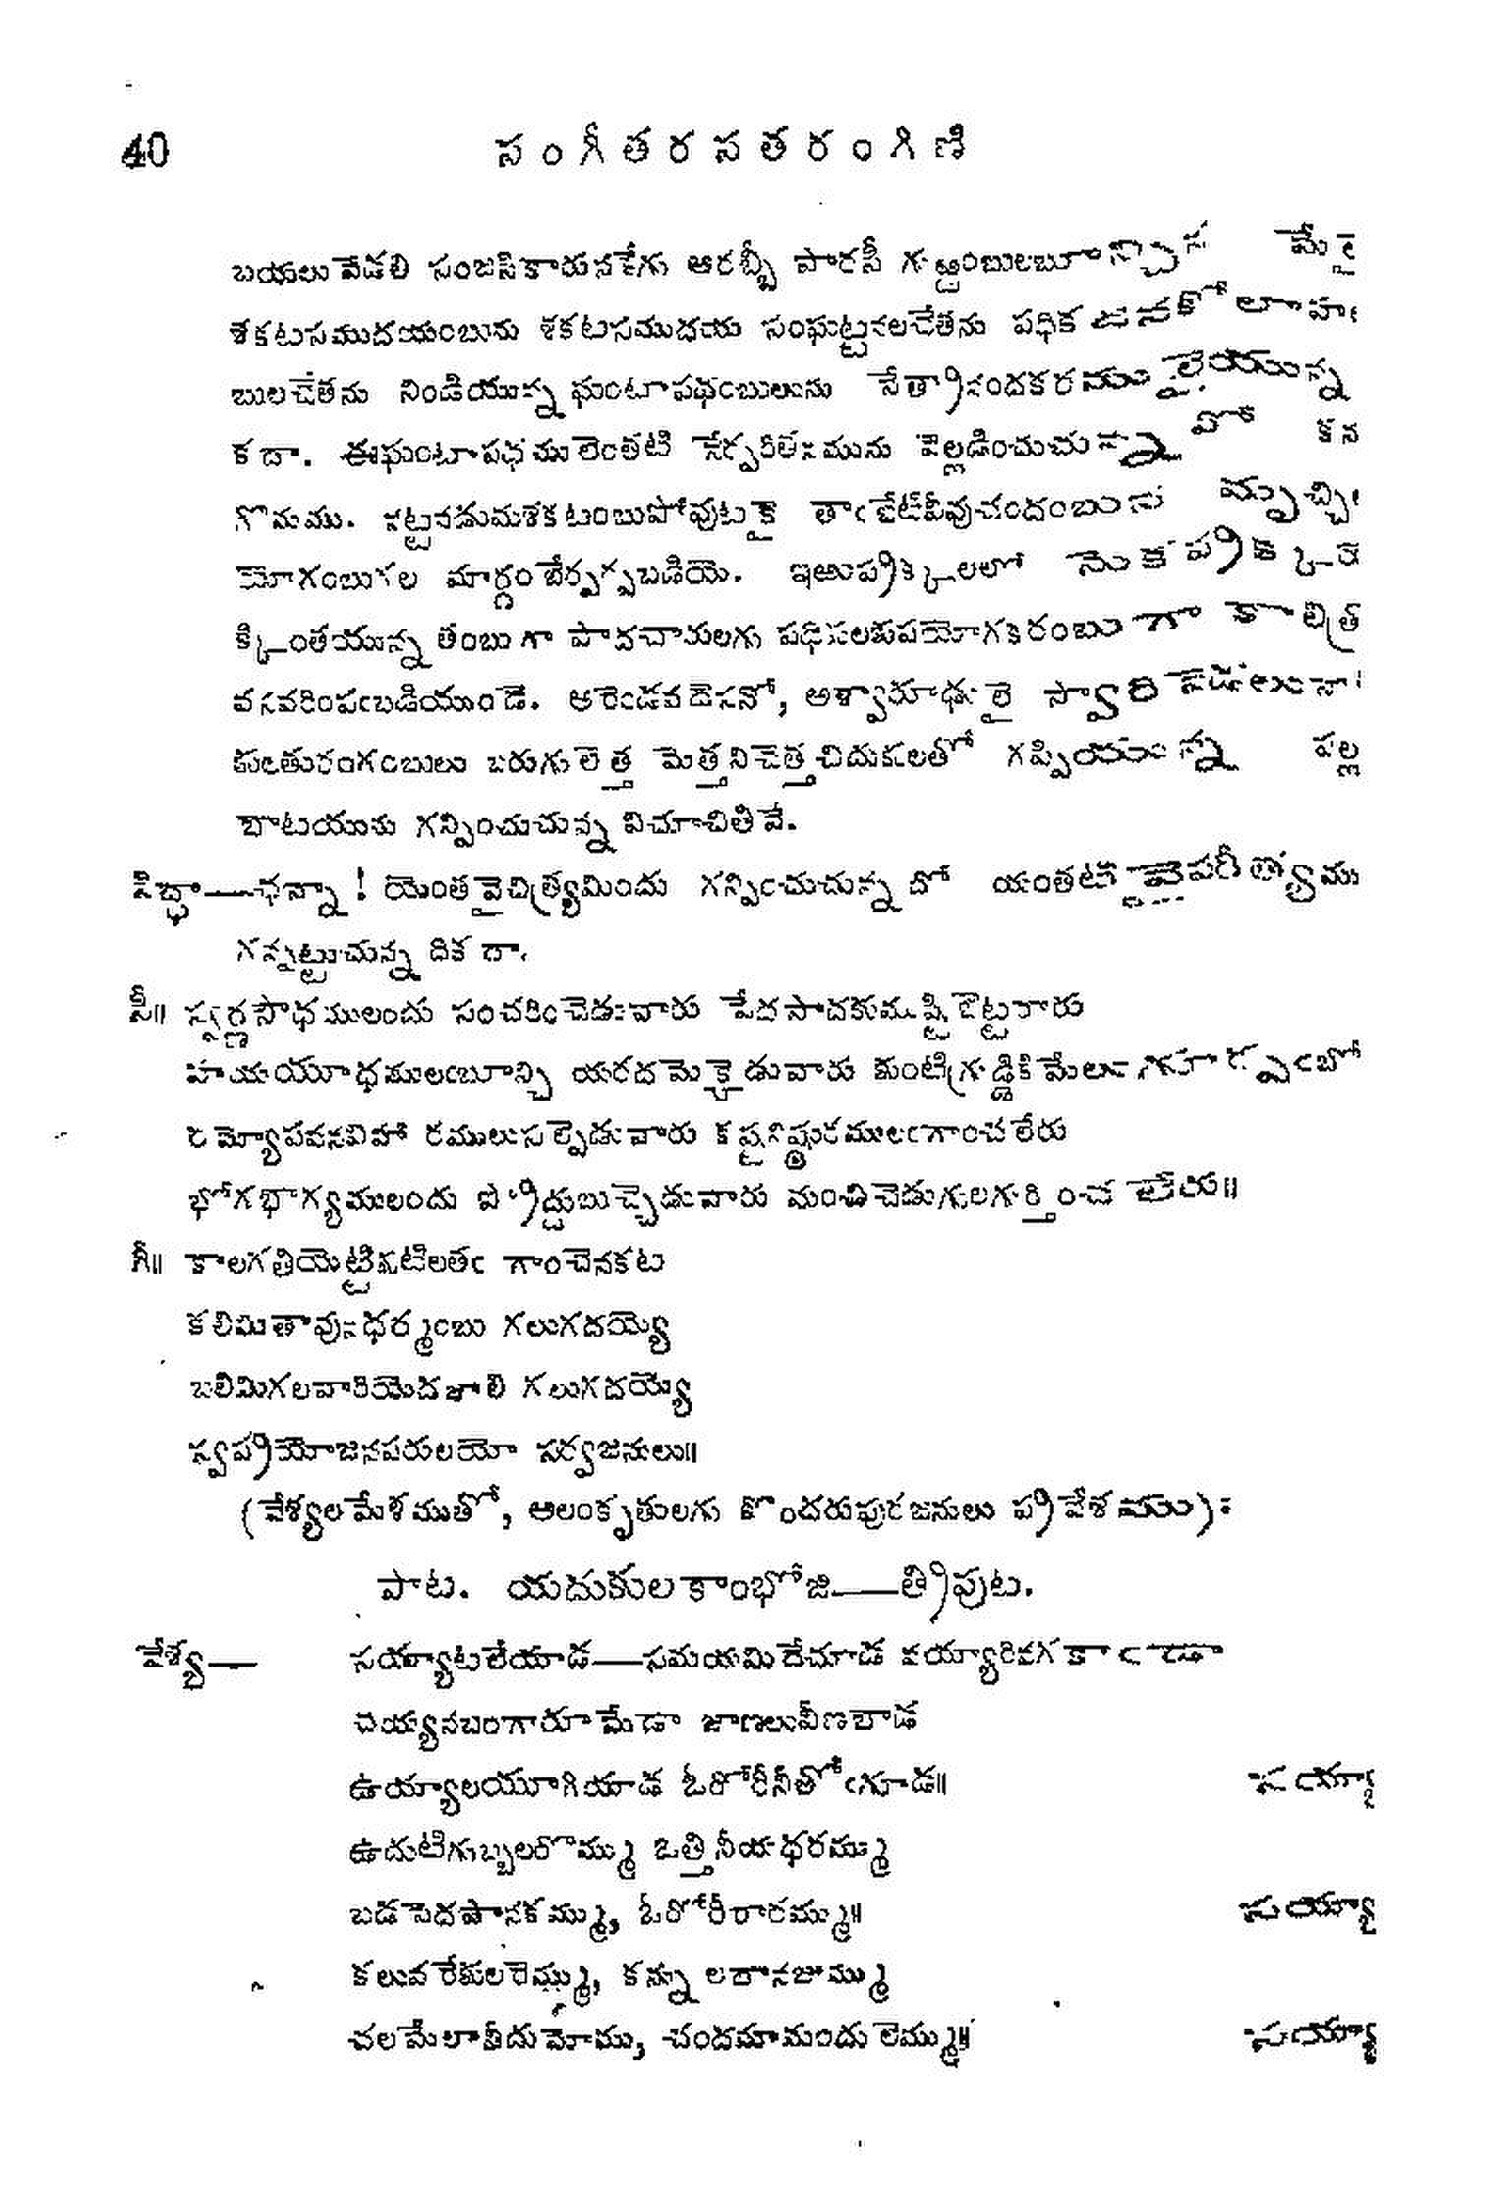బయలు వెడలి సంజసి కారునగేగు అరబ్బీ పారసీ గుజ్జంబులబూన్చిన మేలై శకటసముదయంబుకు శకటసముదయ సంఘట్టనలచేతను పధిక జనకోలాహ!బులచేతను నిండియున్న ఘంటాపథంబులును నేత్రానందకరములైయున్న కదా. ఈఘంటాపథములెంతటి నేర్పరి 
తనమును వెల్లడించుచున్నావొ కనగొనుము. నట్టనడుమశకటంబుపోవుటకై తాఁబేటీవీపుచందంబున మృచ్చిమోగంబుగల మార్గం 
బేర్పగ్పబడియె. ఇఱుప్రక్కలలో నొకానొక్కరే క్కింతయున్నతంబుగా పాదచారులకు పధిసలకుపయోగకరంబుగా క్రాలితో వ్యవరింపఁబడి యుండె. అరెండపదెసనో, అశ్వారూఢులై స్వారివేడులునా! కులతురంగంబులు జరుగులెత్త మెత్తనిచెత్తచిదుకులతో గ్రప్పియున్న 
పల్ల బాటయును గన్పించుచున్నవి చూచితినే.

సిద్ధా — ఛన్నా! యెంతవైచిత్య్రమిందు గన్పించుచున్నదో యంతటి వైపరీత్యము గొన్నట్టుచున్నది కదా.

సీ॥ స్వర్ణసౌధములందు సంచరించెడువారు పేదసాదకునుముష్టిబెట్టరారు 
గూర్ప హియయూధములఁబూన్చి యరదమెకైడువారు కుంటిగ్రడ్డికి మేలుగూర్పఁబో
రమ్యోపవనవిహారములుసల్పెడువారు కష్టనిష్ఠురములఁగాంచలేరు
భోగభాగ్యములందు ప్రొద్దుబుచ్చెడువారు నుంచిచెడుగులగుర్తించ లేరు॥ 

గీ॥ కాలగతియెట్టికుటిలతఁ గాంచెనకట
కలిమితావు:ధర్మంబు గలుగ దయ్యె
బలిమిగలవారియెదజాలి గలుగదయ్య
స్వప్రయోజనపరులయో సర్వజనులు॥ 

సయ్యాటలేయాడ—సమయమిదేచూడ వయ్యారివగకండ కాండా 
చెయ్యనబంగారూమేడా జాణలువీణబాడ
ఉయ్యాలయూగియాడ ఓరోరీనితోఁ గూడ॥ ॥సయ్య॥ 
ఉదుటిగుబ్బలరొమ్ము ఒత్తినీయధరమ్ము॥
బడపెదపానకమ్ము, ఓరోరీరారమ్ము॥ ॥సయ్య॥ 
కలువరేకులరెమ్ము, కన్నులదానజుమ్ము
చలమేలావీదుమోము, చందమామందులెమ్ము ॥సయ్య॥